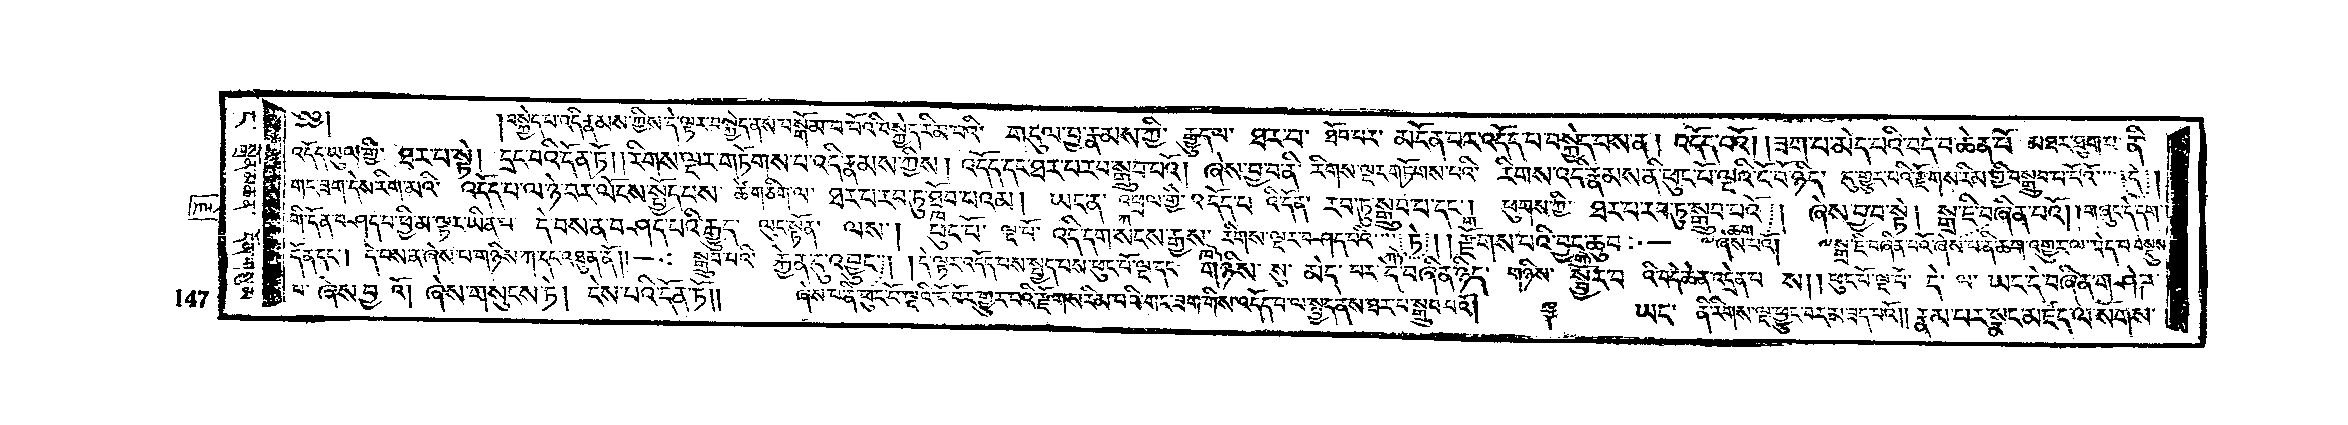༄༅། །བསྐྱེད་པ་འདི་རྣམས་ཀྱིས་དེ་ལྟར་བསྐྱེད་ནས་བསྒོམ་པ་པོའི་བསྐྱེད་རིམ་པའི་གདུལ་བྱ་རྣམས་ཀྱི་རྒྱུད་ལ་ཐར་བ་ཐོབ་པར་མངོན་པར་འདོད་པ་བསྐྱེད་པས་ན། འདོད་པའོ། །ཟག་པ་མེད་པའི་བདེ་བ་ཆེན་པོ་མཐར་ཐུག་པ་ནི་
འདོད་ཡུལ་གྱི་ཐར་པ་སྟེ། དྲང་བའི་དོན་ཏོ། །རིགས་ལྔར་གཏོགས་པ་འདི་རྣམས་ཀྱིས། འདོད་དང་ཐར་པ་རབ་སྒྲུབ་པའོ། ཞེས་བྱ་བ་ནི་རིགས་ལྔར་གཏོགས་པའི་རིགས་འདི་རྣམས་ནི་ཕུང་པོ་ལྔའི་ངོ་བོ་ཉིད་དུ་གྱུར་པའི་རྫོགས་རིམ་གྱི་བསྒྲུབ་པ་པོའོ་དེ།
གང་ཟག་དེས་རིག་མའི་འདོད་པ་ལ་ཉེ་བར་ལོངས་སྤྱོད་པས་ཚེ་གཅིག་ལ་ཐར་པ་རབ་ཏུ་ཐོབ་པའམ། ཡང་ན་འཕྲལ་གྱི་འདོད་པ་འི་དོན་རབ་ཏུ་སྒྲུབ་པ་དང་། ཕུགས་ཀྱི་ཐར་པ་རབ་ཏུ་སྒྲུབ་པའོ། ཞེས་བྱ་བ་སྟེ། སྒྲ་ཇི་བཞིན་པའོ། །གཞུང་དེ་དག་
གི་དོན་བཤད་པ་ཕྱི་མ་ལྟར་ཡིན་པ་དེ་བས་ན་བཤད་པའི་རྒྱུད་ལུང་སྟོན་ལས། ཁ་ཕུང་པོ་ལྔ་པོ་འདི་དག་སངས་རྒྱས་རིགས་ལྔར་བཤད་པའི་ཏེ། །ག་རྫོགས་པའི་བྱང་ཆུབཿ་ཆག་༧ཞེས་པའོ། ༧སྒྲ་ཇི་བཞིན་པའོ་ཞེས་པ་ནི་ཆག་འགྱུར་ལ་མེད་པ་བསྡུས་
དོན་དང་། དེ་བས་ན་ཞེས་པ་གཉིས་ཀ་དང་འཐུན་ནོ།། .H སྒྲུབ་པའི་རྐྱེན་དུ་འབྱུང་། ། དེ་ལྟར་འདོད་པས་སྤྱད་པས་ཕུང་པོ་ལྔ་དང་ཁ྄་གཉིས་སུ་མེད་པར་ཀ྄་དེ་བཞིན་ཉིད་གཉིས་སྦྱོར་བ་འི་བདེ་ཆེན་འདྲེན་པ་ས། ། ཕུང་པོ་ལྔ་པོ་དེ་ལ་ཡང་དེ་བཞིན་གཤེགས་
པ་ཞེས་བྱ་འོ། ཞེས་གསུངས་ཏེ། ངེས་པའི་དོན་ཏོ།། ཞེས་པ་ནི་ཕུང་པོ་ལྔའི་ངོ་བོར་གྱུར་པའི་རྫོགས་རིམ་པའི་གང་ཟག་གིས་འདོད་པ་ལ་སྤྱད་ནས་ཐར་པ་སྒྲུབ་པའོ།  ༈ ཡང་ནི་རིགས་ལྔ་ཕྱུང་བར་མ་ཟད་པའོ།  །རྣམ་པར་སྣང་མཛད་ལ་སོགས་